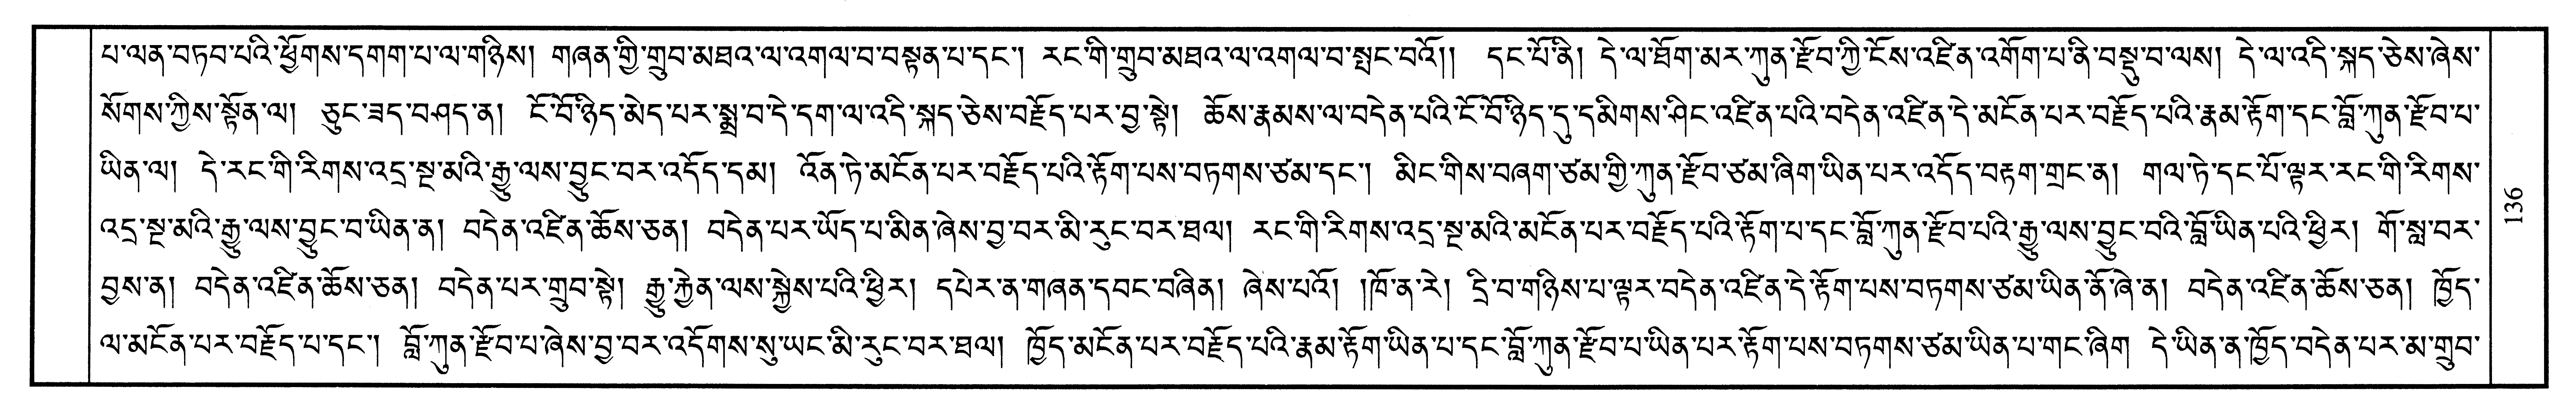པ་ལན་བཏབ་པའི་ཕྱོགས་དགག་པ་ལ་གཉིས། གཞན་གྱི་གྲུབ་མཐའ་ལ་འགལ་བ་བསྟན་པ་དང་། རང་གི་གྲུབ་མཐའ་ལ་འགལ་བ་སྤང་བའོ།། དང་པོ་ནི། དེ་ལ་ཐོག་མར་ཀུན་རྫོབ་ཀྱི་ངོས་འཛིན་འགོག་པ་ནི་བསྡུ་བ་ལས། དེ་ལ་འདི་སྐད་ཅེས་ཞེས་
སོགས་ཀྱིས་སྟོན་ལ། ཅུང་ཟད་བཤད་ན། ངོ་བོ་ཉིད་མེད་པར་སྨྲ་བ་དེ་དག་ལ་འདི་སྐད་ཅེས་བརྗོད་པར་བྱ་སྟེ། ཆོས་རྣམས་ལ་བདེན་པའི་ངོ་བོ་ཉིད་དུ་དམིགས་ཤིང་འཛིན་པའི་བདེན་འཛིན་དེ་མངོན་པར་བརྗོད་པའི་རྣམ་རྟོག་དང་བློ་ཀུན་རྫོབ་པ་
ཡིན་ལ། དེ་རང་གི་རིགས་འདྲ་སྔ་མའི་རྒྱུ་ལས་བྱུང་བར་འདོད་དམ། འོན་ཏེ་མངོན་པར་བརྗོད་པའི་རྟོག་པས་བཏགས་ཙམ་དང་། མིང་གིས་བཞག་ཙམ་གྱི་ཀུན་རྫོབ་ཙམ་ཞིག་ཡིན་པར་འདོད་བརྟག་གྲང་ན། གལ་ཏེ་དང་པོ་ལྟར་རང་གི་རིགས་
འདྲ་སྔ་མའི་རྒྱུ་ལས་བྱུང་བ་ཡིན་ན། བདེན་འཛིན་ཆོས་ཅན། བདེན་པར་ཡོད་པ་མིན་ཞེས་བྱ་བར་མི་རུང་བར་ཐལ། རང་གི་རིགས་འདྲ་སྔ་མའི་མངོན་པར་བརྗོད་པའི་རྟོག་པ་དང་བློ་ཀུན་རྫོབ་པའི་རྒྱུ་ལས་བྱུང་བའི་བློ་ཡིན་པའི་ཕྱིར། གོ་སླ་བར་
བྱས་ན། བདེན་འཛིན་ཆོས་ཅན། བདེན་པར་གྲུབ་སྟེ། རྒྱུ་རྐྱེན་ལས་སྐྱེས་པའི་ཕྱིར། དཔེར་ན་གཞན་དབང་བཞིན། ཞེས་པའོ། །ཁོ་ན་རེ། དྲི་བ་གཉིས་པ་ལྟར་བདེན་འཛིན་དེ་རྟོག་པས་བཏགས་ཙམ་ཡིན་ནོ་ཞེ་ན། བདེན་འཛིན་ཆོས་ཅན། ཁྱོད་
ལ་མངོན་པར་བརྗོད་པ་དང་། བློ་ཀུན་རྫོབ་པ་ཞེས་བྱ་བར་འདོགས་སུ་ཡང་མི་རུང་བར་ཐལ། ཁྱོད་མངོན་པར་བརྗོད་པའི་རྣམ་རྟོག་ཡིན་པ་དང་བློ་ཀུན་རྫོབ་པ་ཡིན་པར་རྟོག་པས་བཏགས་ཙམ་ཡིན་པ་གང་ཞིག་དེ་ཡིན་ན་ཁྱོད་བདེན་པར་མ་གྲུབ་